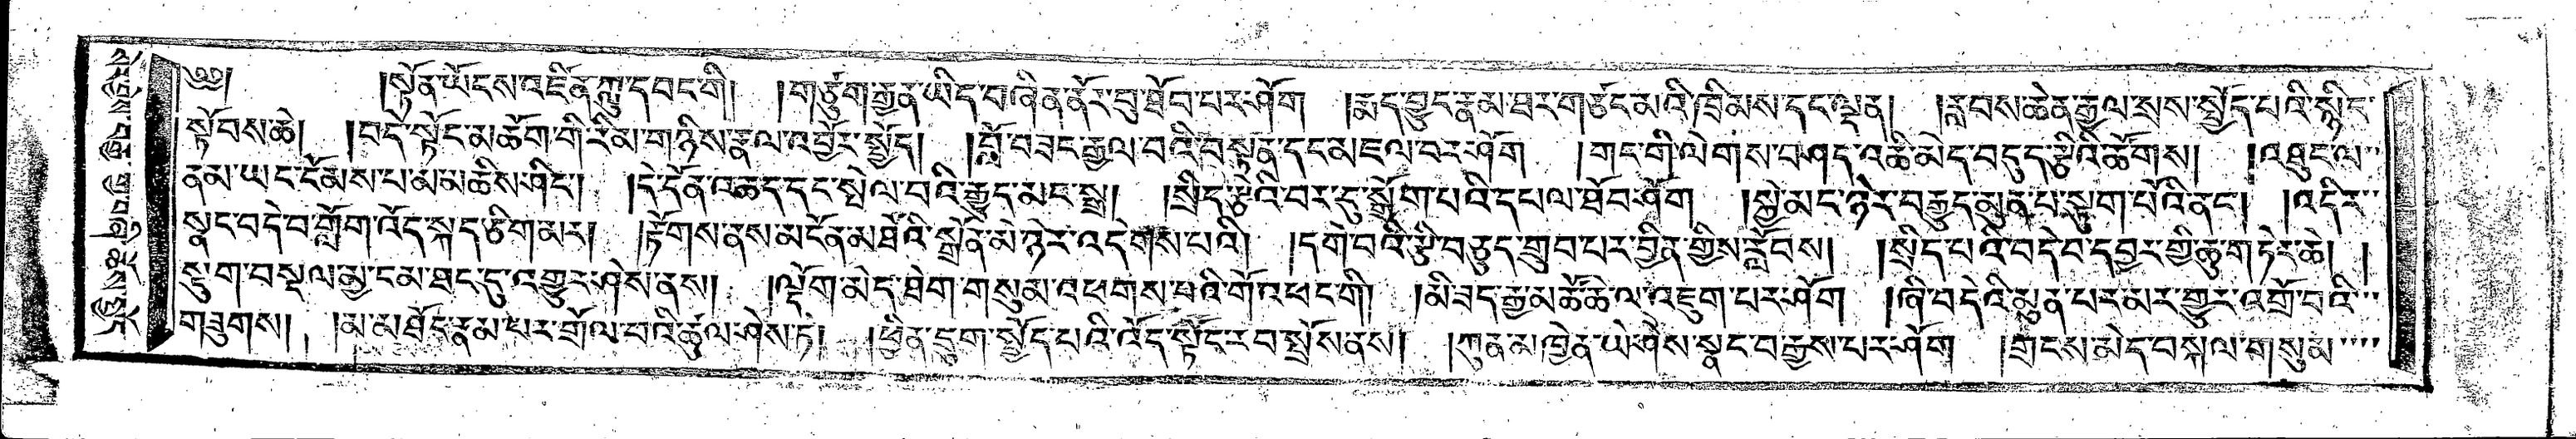༄༅། །སྟོན་ཡོངས་འཛིན་ཀླུ་དབང་གི། །གཙུག་རྒྱན་ཡིད་བཞིན་ནོར་བུ་ཐོབ་པར་ཤོག །རྨད་བྱུང་རྣམ་ཐར་གཙང་མའི་ཁྲིམས་དང་ལྡན། །རླབས་ཆེན་རྒྱལ་སྲས་སྤྱོད་པའི་སྙིང་
སྟོབས་ཆེ། །བདེ་སྟོང་མཆོག་གི་རིམ་གཉིས་རྣལ་འབྱོར་སྤྱོད། །བློ་བཟང་རྒྱལ་བའི་བསྟན་དང་མཇལ་བར་ཤོག །གང་གི་ལེགས་བཤད་འཆི་མེད་བདུད་རྩིའི་ཚོགས། །འཐུང་ལ་
ནམ་ཡང་ངོམས་པ་མ་མཆིས་ཤིང་། །དེ་དོན་འཆད་དང་སྤེལ་བའི་རྒྱུད་མང་སྒྲ། །སྲིད་རྩེའི་བར་དུ་སྒྲོག་པའི་དཔལ་ཐོབ་ཤོག །སྐྱེ་མང་ཉེར་བརྒྱུད་མུན་པ་སྟུག་པོའི་ནང་། །འདིར་
སྣང་བདེ་བ་གློག་འོད་སྐད་ཅིག་མར། །རྟོགས་ནས་མངོན་མཐོའི་སྒྲོན་མེ་ཉེར་འདེགས་པའི། །དགེ་བའི་རྩི་བཅུད་གྲུབ་པར་བྱིན་གྱིས་རློབས། །སྲིད་པའི་བདེ་བ་དབྱར་གྱི་ཆུ་གཏེར་ཆེ། །
སྡུག་བསྔལ་མྱ་ངམ་ཐང་དུ་འགྱུར་ཤེས་ནས། །ལྡོག་མེད་ཐེག་གསུམ་འཕགས་པའི་གོ་འཕང་གི། །མི་ཟད་རྒྱ་མཚོ་ཆེ་ལ་འཇུག་པར་ཤོག །ཞི་བདེའི་མུན་པར་མར་གྱུར་འགྲོ་བའི་
གཟུགས། །མ་མཐོང་རྣམ་པར་གྲོལ་བའི་ཚུལ་ཤེས་ཏེ། །ཕྱིན་དྲུག་སྤྱོད་པའི་འོད་སྟོང་རབ་སྤྲོས་ནས། །ཀུན་མཁྱེན་ཡེ་ཤེས་སྣང་བ་རྒྱས་པར་ཤོག །གྲངས་མེད་བསྐལ་གསུམ་